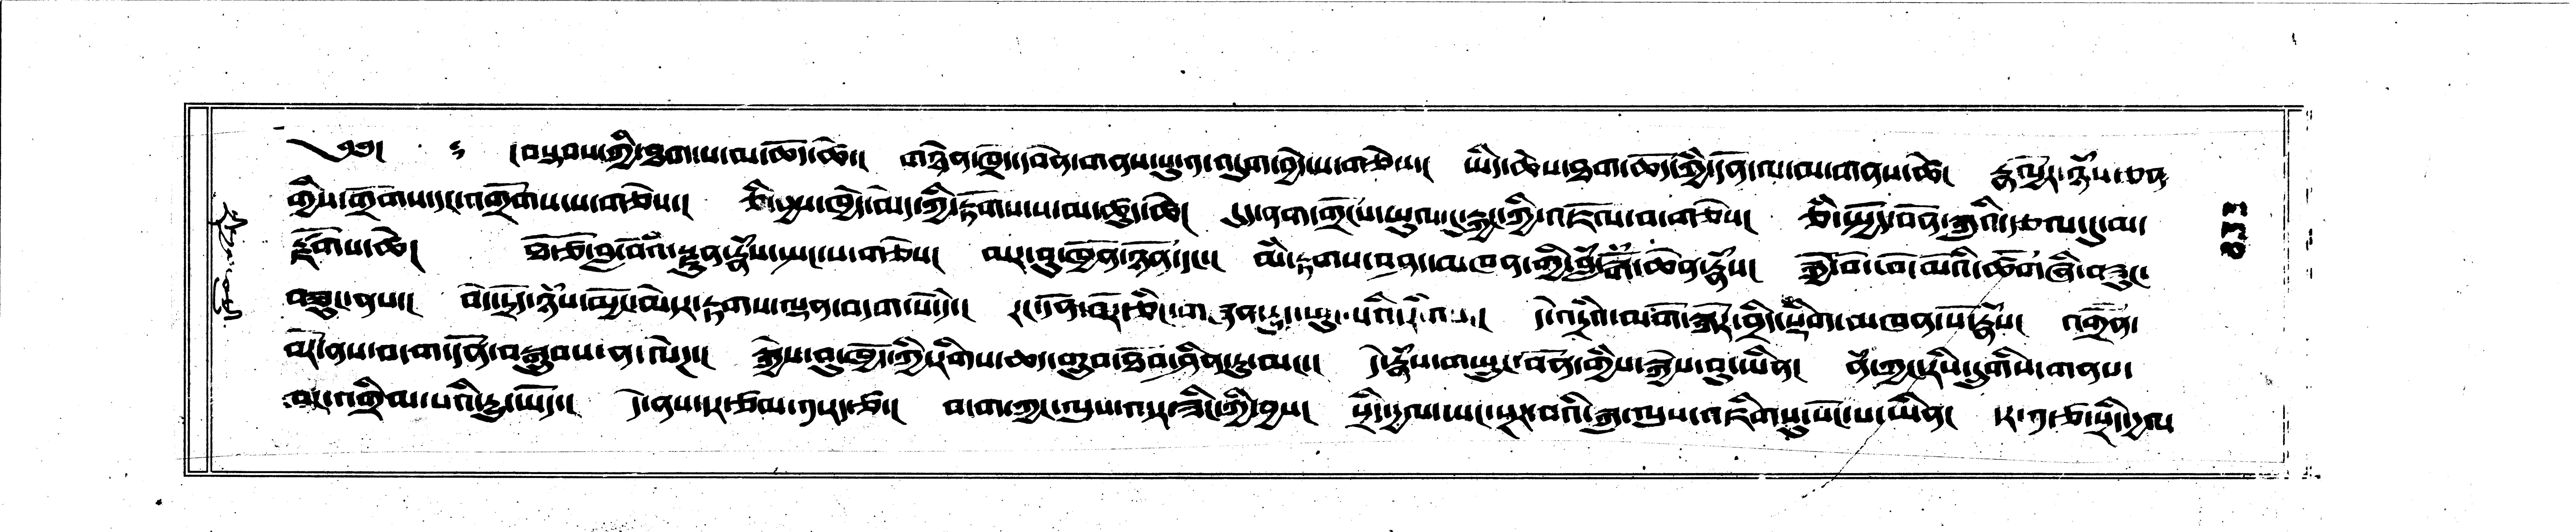གདབས་ཀྱི་ཐག་པ་མ་ཆོད་ཚེ། གཉན་ཁྲོད་དབེན་གནས་སུ་གཅིག་འདུག་བྱེད་པར་གཅེས། ཡིད་ཆེས་ཐག་ཆོད་ཀྱི་དོན་ལ་མ་གནས་ཚེ། རྣལ་འབྱོར་ཉམས་ཅན་
གྱི་གྲོགས་དང་འགྲོགས་པར་གཅེས། ཅི་བྱས་ཁྱད་མེད་ཀྱི་རྟོགས་པ་མ་ཚུད་ཚེ། དུད་ནག་གྲོང་ཡུལ་དུ་རྐྱང་ཀྱི་འཇོལ་༼འཛོལ༽བར་གཅེས། ཅི་སྤྱོད་བོན་སྐུའི་རྩལ་དུ་མ་
རྫོགས་ཚེ། ཐོ་ཙོ་བླ་བོའི་རྫུན་རྣམས་སྤང་བར་གཅེས། ལར་བུ་ཁྱོན་ཉོན་དང་། མི་རྟག་བཤད་མཁན་གྱི་བླ་མ་སྒོམ་ཆེན་རྣམས། སྐྱེ་བོ་ཕོ་མོའི་ཚོགས་གཞི་བཟུང
་བཟུང་ནས། བདེ་དྲོད་ཉམས་མྱོང་མེད་པར་རྟགས་ལྡན་བདག་པོ་དེ། རང་དོན་བོར་ཞིང་གཞན་རྒྱུད་ཕུང་བའི་རིགས། དེ་འདྲའི་མགོ་སྐོར་བྲིད་སྡིག་མཁན་པོ་རྣམས། འགྲོ་དོན
་བོར་ནས་བདག་དོན་བསྒྲུབས་ན་ལེགས། སྐྱེས་བུ་ཁྱོད་ཀྱི་རིགས་ཆད་གྲུབ་ཐོབ་ཤིན་ཏུ་མང་། དེ་རྣམས་གཡུང་དྲུང་བོན་གྱི་སྐྱེས་བུ་ཡིན། ནམ་ཀྱང་༼ཀྱང༽རིགས་དྲུག་གི་གནས་
ཁང་འགྲིམ་པའི་རྒྱུ་ཡོད། དེ་ནས་དར་ཙམ་ཅིག་རེད་ཙ། བདག་ཀྱང་ལུས་འདར་ཟིང་ཀྱི་བྱས། སྲིད་རྒྱལ་ཡང་སྔར་བའི་སྐུ་ལུས་འཇིགས་སུ་སོང་པ་ཡིན། དར་ཅིག་ཙ་སྲིད་རྒྱལ་